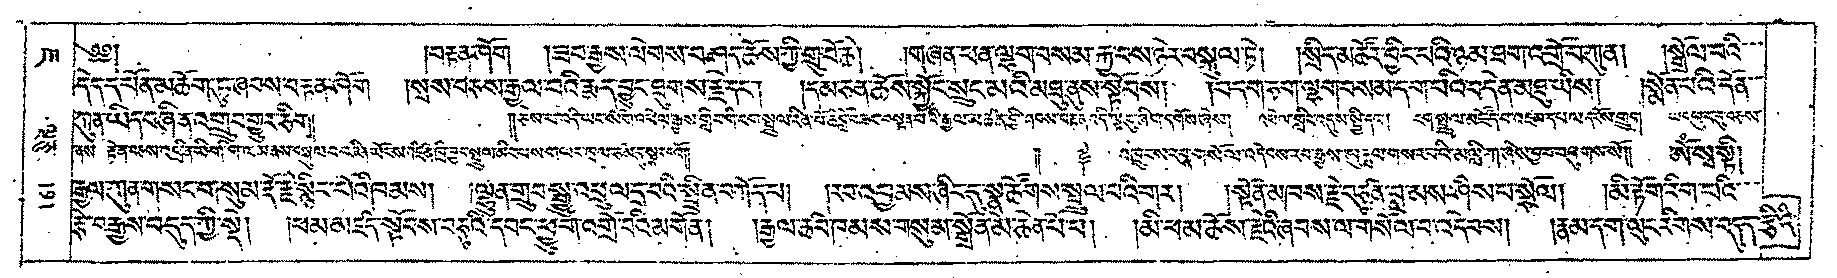༄༅། །བརྟན་ཤོག །ཟབ་རྒྱས་ལེགས་བཤད་ཆོས་ཀྱི་གྲུ་བོ་ཆེ། །གཞན་ཕན་ལྷག་བསམ་རྐྱ་བས་ཉེར་བསྐུལ་ཏེ། །སྲིད་མཚོར་བྱིང་པའི་ཉམ་ཐག་འགྲོ་བ་ཀུན། །སྒྲོལ་བའི་
དེད་དཔོན་མཆོག་ཏུ་ཞབས་བརྟན་ཤོག །སྲས་བཅས་རྒྱལ་བའི་རྨད་བྱུང་ཐུགས་རྗེ་དང་། །དམ་ཅན་ཆོས་སྐྱོང་སྲུང་མའི་མཐུ་ནུས་སྟོབས། །བདག་ཅག་ལྷག་བསམ་དག་པའི་བདེན་མཐུ་ཡིས། །སྨོན་པའི་དོན་
ཀུན་ཡིད་བཞིན་འགྲུབ་གྱུར་ཅིག ། །།ཅེས་པ་འདི་ཡང་སོག་འཕེལ་རྒྱས་གླིང་གི་ངག་སྤྲུལ་རིན་པོ་ཆེ་བློ་བཟང་བསྟན་པའི་རྒྱལ་མཚན་གྱི་ཞབས་བརྟན་འདི་ལྟ་བུ་ཞིག་དགོས་ཞེས། འཕེལ་གླིང་འདུས་སྤྱི་དང་། ངག་སྤྲུལ་མཛོད་པ་འཇམ་དཔལ་དངོས་གྲུབ། ཡབ་ཕུར་བུ་བཅས་
ནས་རྟེན་བཅས་འཕྲིན་ཡིག་གི་ལམ་ནས་བསྐུལ་བ་བཞིན་ཡོངས་འཛིན་ཁྲི་བྱང་སྤྲུལ་མིང་པས་གཡར་ཁྲལ་ཙམ་དུ་སྦྱར་བའོ།། །། ༈ འཁྲུངས་རབས་གསོལ་འདེབས་རབ་རྒྱས་ཨུཏྤལ་གསར་པའི་མལླི་ཀ་ཞེས་བྱ་བ་བཞུགས་སོ། །ཨོཾ་སྭ་སྟི།
རྒྱལ་ཀུན་གསང་གསུམ་རྡོ་རྗེ་སྙིང་པོའི་ཁམས། །ལྷུན་གྲུབ་སྒྱུ་འཕྲུལ་དྲ་བའི་སྤྲིན་བཀོད་པ། །རབ་འབྱམས་ཞིང་དུ་སྣ་ཚོགས་སྤྲུལ་པའི་གར། །སྟོན་མཁས་རྗེ་བཙུན་བླ་མས་ཤིས་པ་སྩོལ། །མི་རྟོག་རིག་པའི་
རྩེ་བརྒྱས་བདུད་ཀྱི་སྡེ། །ཕམ་མཛད་སྟོབས་བཅུའི་དབང་ཕྱུག་འགྲོ་བའི་མགོན། །རྒྱལ་ཚབ་ཁམས་གསུམ་སྒྲོན་མེ་ཆེན་པོ་པ། །མི་ཕམ་ཆོས་རྗེའི་ཞབས་ལ་གསོལ་བ་འདེབས། །རྣམ་དག་ལུང་རིགས་བདུད་རྩིའི་